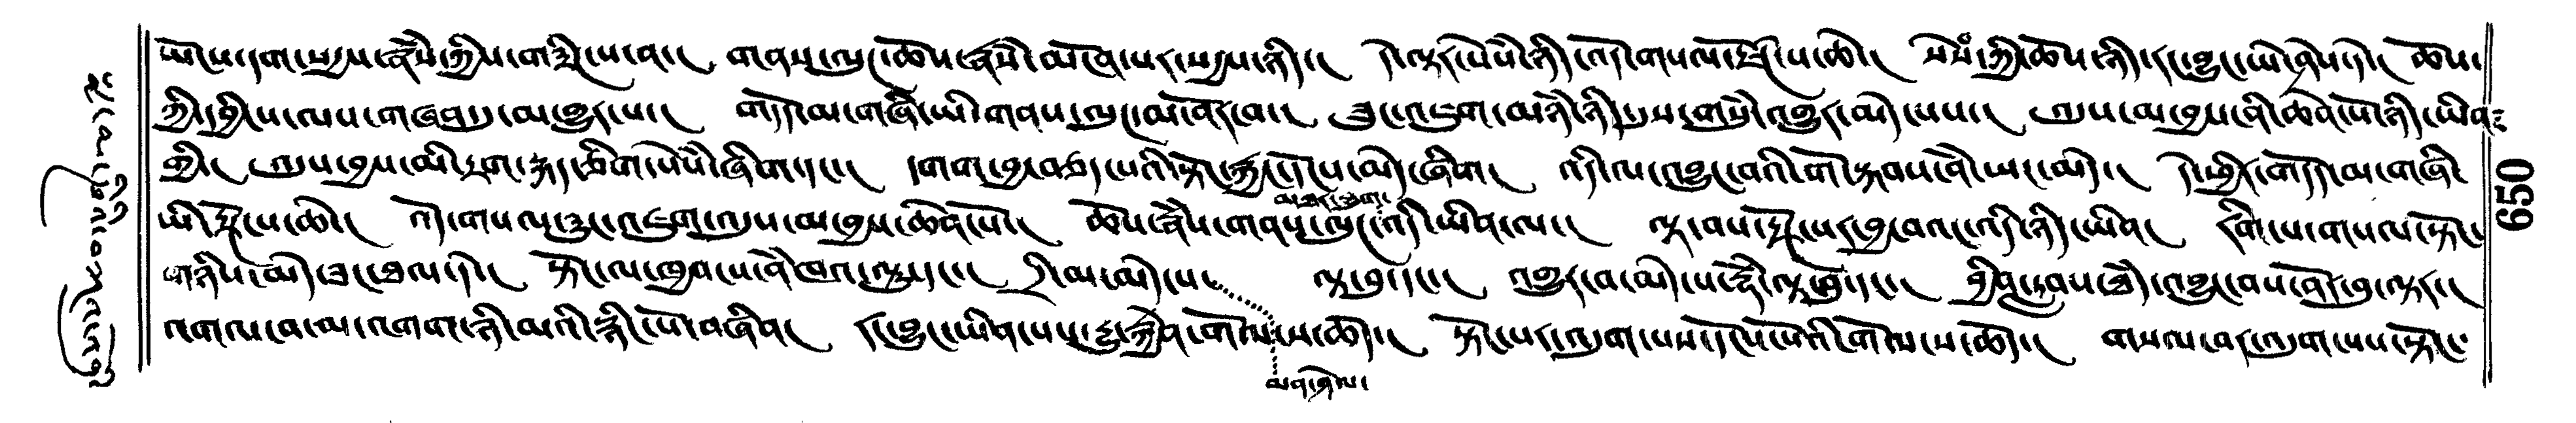།ཡོངས་དག་སངས་རྒྱས་རྣམས་ཀྱིས་གཟིགས་པ་ན། །གནས་ལུགས་ཆོས་རྣམས་མངོན་པར་སངས་རྒྱས་ཉིད། །དེ་ལྟར་སེམས་ཉིད་འོད་གསལ་རྫོགས་པ་ཆེ། །སེམས་ཀྱི་ཆོས་ཉིད་རང་བྱུང་ཡེ་ཤེས་དེ། །ཆོས་
ཀྱི་དབྱིངས་ལས་གཞན་དུ་མ་གྱུར་པ། །གདོད་མ་གཞི་ཡི་གནས་ལུགས་མ་ནོར་བ། །ཟུང་འཇུག་མཉམ་ཉིད་དུས་གསུམ་འགྱུར་མེད་པས། །འདུས་མ་བྱས་ནི་ཆེན་པོ་ཉིད་ཡིན་
གྱི། །འདུས་བྱས་མི་རྟག་སྐད་ཅིག་སེམས་ཞིག་དང་། །དགག་བྱ་བཅད་པའི་སྟོང་རྐྱང་དངོས་མེད་ཞིག །འདི་ལ་འབྱུང་བའི་གོ་སྐབས་ནམ་ཡང་མེད། །དེ་ཕྱིར་གདོད་མ་གཞི་
ཡི་རྟོགས་པ་ཆེ། །འོད་གསལ་ཟུང་འཇུག་འདུས་མ་བྱས་ཆེན་པོ། །ཆོས་རྣམས་གནས་ལུགས་མཐར་ཐུག་འདི་ཡིན་ལ། །ལྟ་བས་རྟོགས་པར་བྱ་བའང་འདི་ཉིད་ཡིན། །རིག་པ་གསལ་སྟོང་
གཉིས་མེད་ཟང་ཐལ་དེ། །སྟོང་ལ་ཁྱབ་པ་ནམ་མཁའ་ལྟ་བུ་དང་། །དྲི་མ་མེད་པ་མན་ཤེལ་ལྟ་བུ་དང་། །འགྱུར་བ་མེད་པ་རྡོ་རྗེ་ལྟ་བུ་དང་། །བྱིན་རླབས་ཐམས་ཅད་འབྱུང་བས་ནོར་བུ་ལྟར། །
འགལ་བ་མ་འགག་ཉི་མའི་སྙིང་པོ་བཞིན། །རང་བྱུང་ཡིན་པས་རྒྱུ་རྐྱེན་གོལ་ས་ཆོད། །སྟོང་པར་འདུག་པས་དངོས་པོའི་གོལ་ས་ཆོད། །གསལ་བར་འདུག་པས་སྟོང་